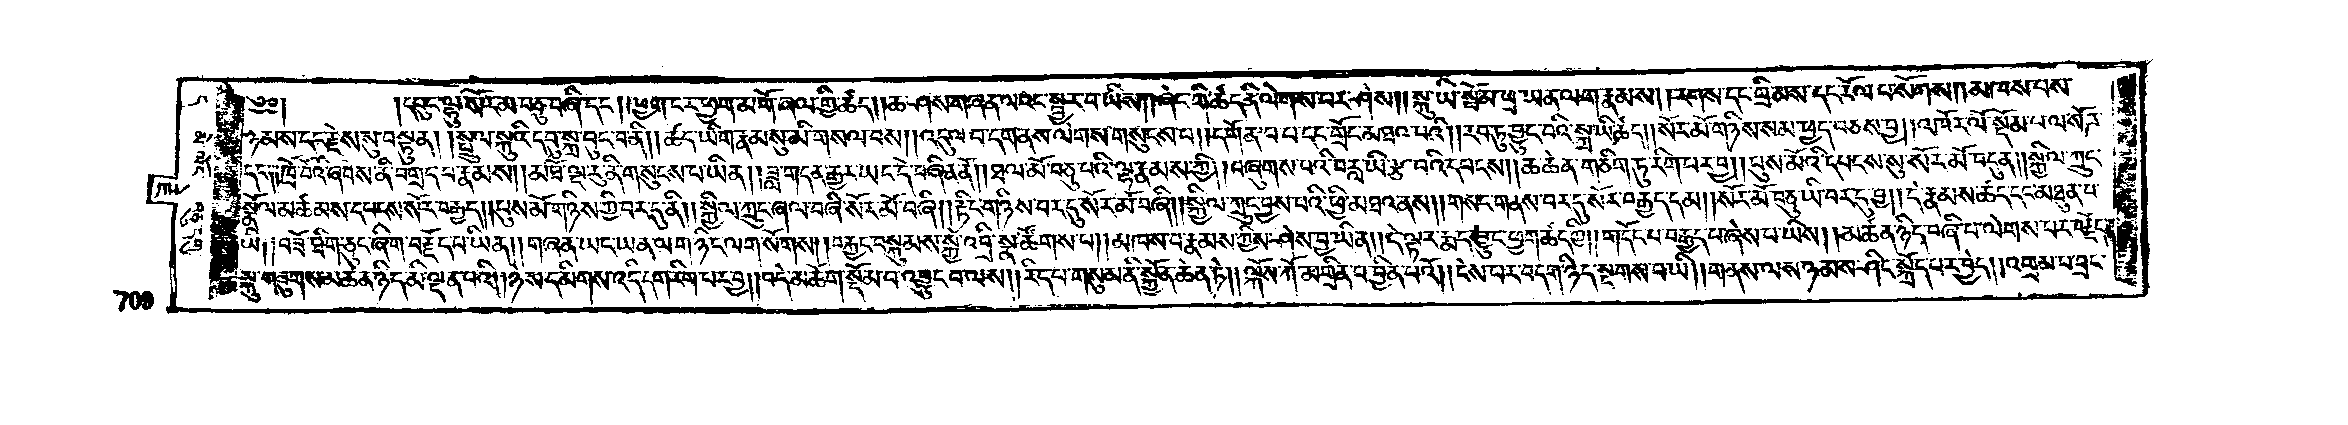༄༅། །དཔུང་ལྷུ་སོར་མ་བཅུ་བཞི་དང་། །ཕྱག་ངར་ཕྱག་མགོ་ཞལ་གྱི་ཚད། །ཆ་ཤས་གཞན་ལའང་སྦྱར་བ་ཡིས། །ཞེང་གི་ཚད་ནི་ལེགས་པར་ཤེས། །སྐུ་ཡི་སྦོམ་ཕྲ་ཡན་ལག་རྣམས། །རགས་དང་གྲིམས་དང་རོལ་པ་སོགས། །མཁས་པས་
ཉམས་དང་རྗེས་སུ་བསྟུན། །སྤྲུལ་སྐུའི་དབུ་སྐྲ་བུང་བ་ནི། །ཚད་ཡིག་རྣམས་སུ་མི་གསལ་བས། །འདུལ་བ་དག་ནས་ལེགས་གསུངས་པ། །དགོན་པ་བ་དང་གྲོང་མཐའ་པའི། །རབ་ཏུ་བྱུང་བའི་སྐྲ་ཡི་ཚད། །སོར་མོ་གཉིས་སམ་ཕྱད་བཅས་བྱ། །འཁོར་ལོ་སྡོམ་པ་ལ་སོགས་
དང་། །ཁྲོ་བོའི་ཞབས་ནི་བགྲད་པ་རྣམས། །མཐོ་ལྔ་རུ་ནི་གསུངས་པ་ཡིན། །ཟླ་གདན་རྒྱར་ཡང་དེ་བཞིན་ནོ། །ཐལ་མོ་བཅུ་པའི་ལྷ་རྣམས་ཀྱི། །བཞུགས་པའི་བརླ་ཡི་རྩ་བའི་དཔངས། །ཆ་ཆེན་གཅིག་ཏུ་རིག་པར་བྱ། །པུས་མོའི་དཔངས་སུ་སོར་མོ་བདུན། །སྐྱིལ་ཀྲུང་
སྣོལ་མཚམས་དཔངས་སོར་བརྒྱད། །པུས་མོ་གཉིས་ཀྱི་བར་དུ་ནི། །སྐྱིལ་ཀྲུང་ཞལ་བཞི་སོར་མོ་བཞི། །རྟིང་གཉིས་བར་དུ་སོར་མོ་བཞི། །སྐྱིལ་ཀྲུང་བྱས་པའི་ཕྱི་མཐའ་ནས། །གསང་གནས་བར་དུ་སོར་བརྒྱད་དམ། །སོར་མོ་བཅུ་ཡི་བར་དུ་བྱ། །དེ་རྣམས་ཚད་དང་མཐུན་པ་
ཡི། །བཟོ་ཐིག་ཅུང་ཞིག་བརྗོད་པ་ཡིན། །གཞན་ཡང་ཡན་ལག་ཉིད་ལག་སོགས། །བརྐྱང་བསྐུམས་སྐྱེ་འབྲི་སྣ་ཚོགས་པ། །མཁས་པ་རྣམས་ཀྱིས་ཤེས་བྱ་ཡིན། །དེ་ལྟར་རྨད་བྱུང་ཕྱག་ཚད་ཀྱི། །གདོང་པ་བརྒྱད་པ་ཞེས་པ་ཡིས། །མཚན་ཉིད་བཞི་པ་ལེགས་པར་བརྗོད། །
སྐུ་གཟུགས་མཚན་ཉིད་མི་ལྡན་པའི། །ཉེས་དམིགས་འདི་དག་རིག་པར་བྱ། །བདེ་མཆོག་སྡོམ་པ་འབྱུང་བ་ལས། །རིད་པ་གསུམ་ནི་སྐྱོན་ཆེན་ཏེ། །ལྐོས་ཀོ་མགྲིན་པ་བྱིན་པའོ། །ངེས་པར་བདག་ཉིད་སྔགས་པ་ཡི། །གནས་ལས་ཉམས་ཤིང་སྐྲོད་པར་བྱེད། །འགྲམ་པ་བྲང་